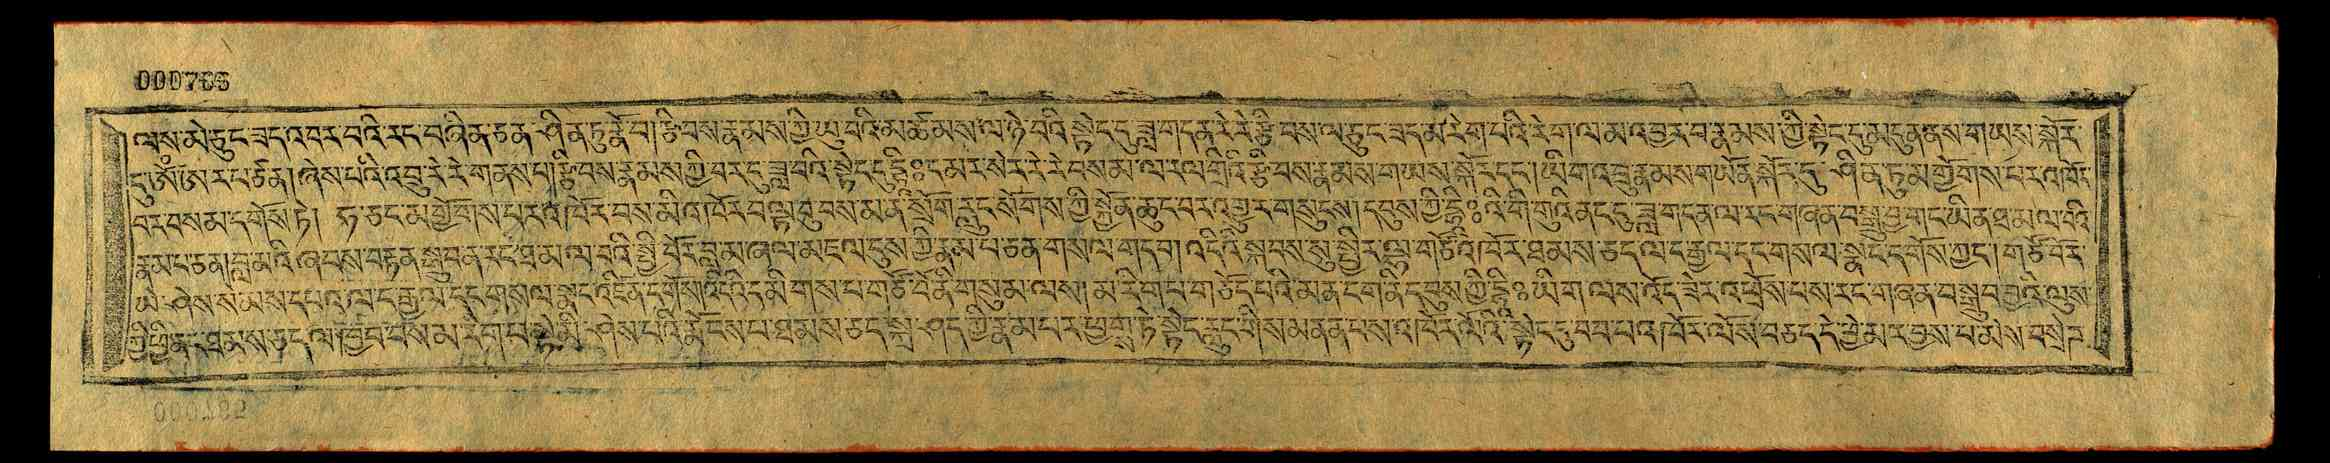ལས་མེ་ཅུང་ཟད་འབར་བའི་རང་བཞིན་ཅན་ཤིན་ཏུ་རྣོ་བ། རྩིབས་རྣམས་ཀྱི་ཡུ་བའི་མཚམས་ལ་ཉེ་བའི་སྟེང་དུ་ཟླ་གདན་རེ་རེ་རྩིབས་ལ་ཅུང་ཟད་མ་རེག་པའི་རེག་ལ་མ་འབྱོར་བ་རྣམས་ཀྱི་སྟེང་དུ་མདུན་ནས་གཡས་སྐོར་
དུ་ཨོཾ་ཨ་ར་པ་ཙ་ན། ཞེས་པའི་འབྲུ་རེ་རེ་གནས་པ། རྩིབས་རྣམས་ཀྱི་བར་དུ་ཟླ་བའི་སྟེང་དུ་དྷཱིཿ དམར་སེར་རེ་རེ་བསམ་ལ་རལ་གྲིའི་རྩིབས་རྣམས་གཡས་སྐོར་དང་། ཡིག་འབྲུ་རྣམས་གཡོན་སྐོར་དུ་ཤིན་ཏུ་མགྱོགས་པར་འཁོར་
བར་བསམ་དགོས་ཏེ། ཧ་ཅང་མགྱོགས་པར་འཁོར་བས་མི་འཁོར་བ་ལྟ་བུ་བསམ་ན་སྲོག་རླུང་སོགས་ཀྱི་སྐྱོན་ཆུང་བར་འགྱུར་གསུངས། དབུས་ཀྱི་དྷཱིཿའི་གི་གུའི་ནང་དུ་ཟླ་གདན་ལ་རང་གཞན་བསྒྲུབ་བྱ་གང་ཡིན་ཐ་མལ་བའི་
རྣམ་པ་ཅན། བླ་མའི་ཞབས་བརྟན་སྒྲུབ་ན་རང་ཐ་མལ་བའི་སྤྱི་བོར་བླ་མ་ཞལ་མཇལ་དུས་ཀྱི་རྣམ་པ་ཅན་གསལ་གདབ། འདིའི་སྐབས་སུ་སྤྱིར་ལྷ་གཙོ་འཁོར་ཐམས་ཅད་ལ་ང་རྒྱལ་དང་གསལ་སྣང་དགོས་ཀྱང་། གཙོ་བོར་
ཡེ་ཤེས་སེམས་དཔའ་ལ་ང་རྒྱལ་དང་གསལ་སྣང་འཛིན་དགོས། འདིའི་དམིགས་པ་གཙོ་བོ་ནི་གསུམ་ལས། མ་རིག་པ་གཅོད་པའི་མན་ངག་ནི་དབུས་ཀྱི་དྷཱིཿ ཡིག་ལས་འོད་ཟེར་འཕྲོས་པས་རང་གཞན་བསྒྲུབ་བྱའི་ལུས་
ཀྱི་ཕྱི་ནང་ཐམས་ཅད་ལ་ཁྱབ་པས་མ་རིག་པ་སྟེ་མི་ཤེས་པའི་རྨོངས་པ་ཐམས་ཅད་སྐྲ་ཤད་ཀྱི་རྣམ་པར་ཕྱགས་ཏེ་སྟེང་རླུང་གིས་མནན་པས་འཁོར་ལོའི་སྟེང་དུ་བབ་པ་འཁོར་ལོས་བཅད་དེ་ཕྱེ་མར་བྱས་པ་མེས་བསྲེགས་